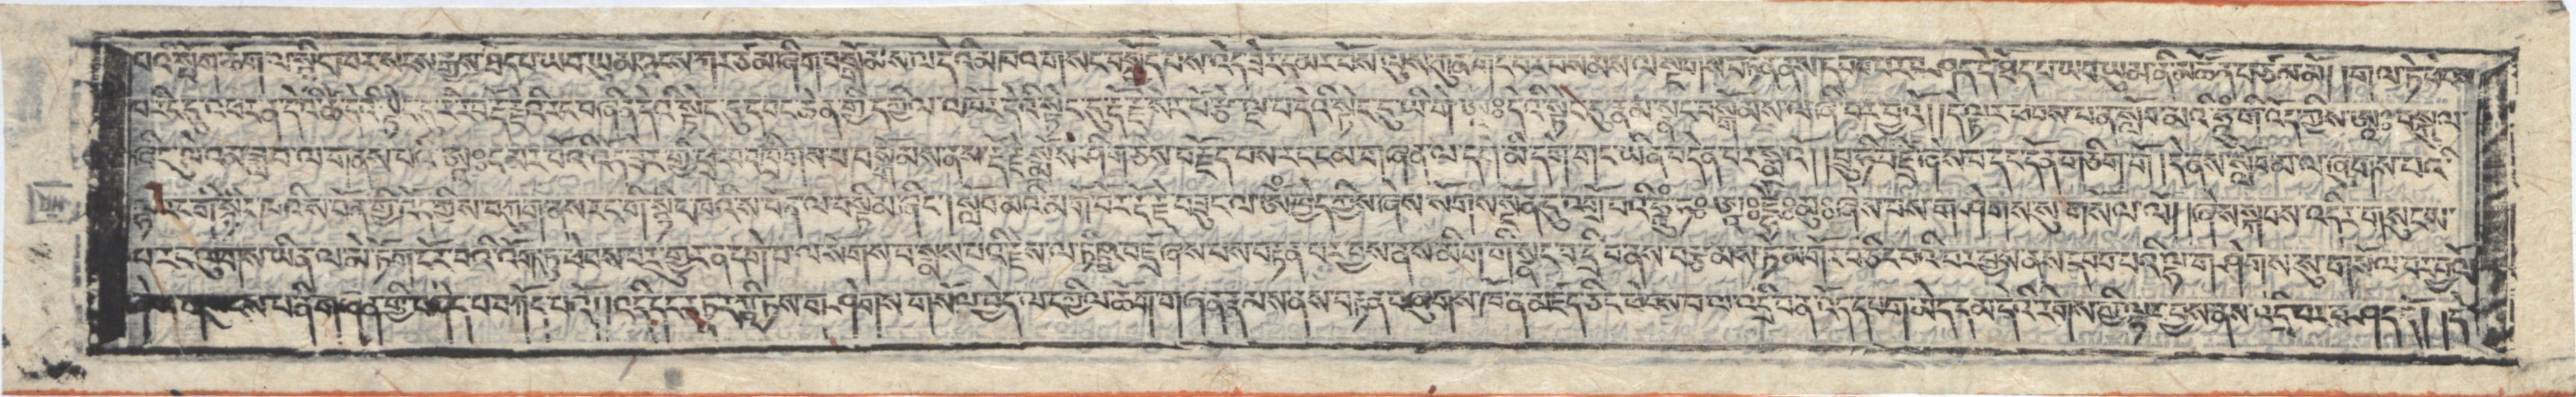པའི་སྤོག་ཆོག་ལ་སྙིང་ཁར་སངས་རྒྱས་ཐོད་པ་ཡབ་ཡུམ་ཉུངས་ཀར་ཙམ་ཞིག་བསྒོམས་ལ་དེའི་མཁའ་གསང་བསྐྱོད་པས་འོད་ཟེར་དམར་བོས་ལུས་ཀུན་གང་བར་བསམས་ལ་སྔགས་བཏོན་ནས་དབབ་པར་བཤད་དེ་ཐོད་པ་ཡབ་ཡུམ་ནི་མཚོན་པ་ཙམ་མོ། །གལ་ཏེ་ཕེབས་
པ་རིང་དུ་འཕར་ན་དེའི་ཚེ་དེའི་སྟེང་དུ་རི་རབ་རྡོ་རྗེའི་རང་བཞིན་དེའི་སྟེང་དུ་དབང་ཆེན་གྱི་དཀྱིལ་འཁོར་དེའི་སྟེང་དུ་རྡོ་རྗེ་སེར་པོ་རྩེ་ལྔ་པ་དེའི་སྟེང་དུ་ཡི་གེ་ཨཱཿ དེའི་སྟེང་དུ་རྣམ་སྣང་བསྒོམས་ལ་ཞི་བར་བྱའོ། །དེ་ལྟར་ཕབས་པ་ན་སློབ་མའི་ཧཱུཾ་གི་འོད་ཀྱིས་ཨཱཿ བསྐུལ་
ཞིང་ལྕེ་འམ་ཟླ་བ་ལ་གནས་པའི་ཨཱཿ དམར་པོའི་འོད་ཟེར་གྱི་ཕྲེང་བ་འཁྲིགས་པ་བསྒོམས་ནས་རྡོ་རྗེ་སྨྲོས་ཤིག་ཅེས་བརྗོད་པས་རང་ངམ་གཞན་ལ་དགེ་མི་དགེ་གང་ཡིན་བདེན་པར་སྨྲའོ། །བྲུ་ཧི་བཛྲི་ཞེས་བ་དང་དོན་གཅིག་གོ །དེ་ནས་སློབ་མ་ལ་ཞུགས་པའི་
ལྷ་རང་གི་སྙིང་ཁའི་ས་བོན་གྱི་འོད་ཀྱིས་བཀུག་ནས་རང་གི་སྙིང་ཁའི་ས་བོན་ལ་བསྟིམ་ཞིང་། སློབ་མའི་མགོ་བོར་རྡོ་རྗེ་བཟུང་ལ་ཨོཾ་ཁྱེད་ཀྱིས་ཞེས་སོགས་སྔོན་དུ་འགྲོ་བའི་ཧཱུཾ་ཧཿ ཨཱཿ ཛྷཻཿ མུཿ ཞེས་པས་གཤེགས་སུ་གསོལ་ལོ། །ཞེས་སྐབས་འདིར་གསུངས་
པ་རང་ལུགས་ཡིན་ལ་མེ་ཏོག་དོར་བའི་འོག་ཏུ་ཕེབས་པར་གྱུར་ན་དགེ་བ་ལ་སོགས་པ་སྨས་པའི་རྗེས་ལ་ཏིཥཊཿཨ་བཛྲ་ཞེས་པས་བརྟན་པར་བྱས་ནས་མིག་གི་སྣང་བ་དྲི་བ་ནས་བརྩམས་ཏེ་མགོར་བཅིང་བའི་བར་བྱས་ནས་དབབ་པའི་ལྷ་གཤེགས་སུ་གསོལ་བར་བྱའོ་
ཞེས་གསུངས་པ་ནི་གཞན་གྱི་བཞེད་པ་བཀོད་པའོ། །འདི་དང་རཏྣ་རཀྵི་ཏས་གཤེགས་གསོལ་བྱེད་ལ་དཀྱིལ་ཆོག་གཞན་རྣམས་ནས་བརྟན་བཞུགས་ཁོ་ན་མཛད་ཅིང་ཕེབས་བ་ལ་འདྲི་བ་ན་འོད་དཔག་མེད་དམ་དེའི་རིགས་ཀྱི་ལྷར་བྱས་ནས་འདྲི་བར་བཤད་དོ། །དེ་